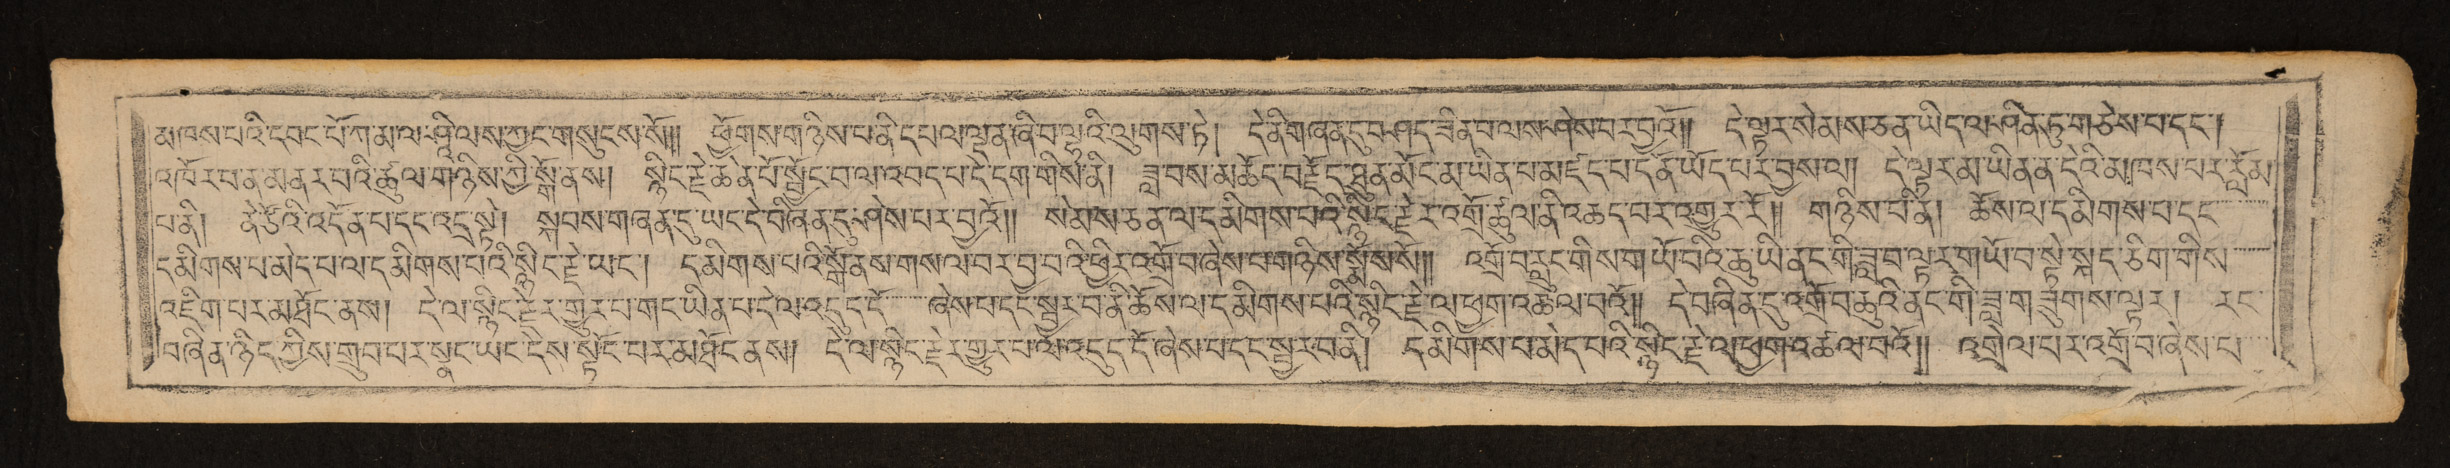མཁས་པའི་དབང་པོ་ཀ་མ་ལ་ཤཱི་ལས་ཀྱང་གསུངས་སོ།། ཕྱོགས་གཉིས་པ་ནི་དཔལ་ལྡན་ཞི་བ་ལྷའི་ལུགས་ཏེ། དེ་ནི་གཞན་དུ་བཤད་ཟིན་པ་ལས་ཤེས་པར་བྱའོ།། དེ་ལྟར་སེམས་ཅན་ཡིད་ལ་ཤིན་ཏུ་གཅེས་པ་དང་།
འཁོར་བ་ན་མནར་བའི་ཚུལ་གཉིས་ཀྱི་སྒོ་ནས། སྙིང་རྗེ་ཆེན་པོ་སྦྱོང་བ་ལ་འབད་པ་དེ་དག་གིས་ནི། ཟླ་བས་མཆོད་བརྗོད་ཐུན་མོང་མ་ཡིན་པ་མཛད་པ་དོན་ཡོད་པར་བྱས་ལ། དེ་ལྟར་མ་ཡིན་ན་དེའི་མཁས་པར་རློམ་
པ་ནི། ནེ་ཙོའི་འདོན་པ་དང་འདྲ་སྟེ། སྐབས་གཞན་དུ་ཡང་དེ་བཞིན་དུ་ཤེས་པར་བྱའོ།། སེམས་ཅན་ལ་དམིགས་པའི་སྙིང་རྗེར་འགྲོ་ཚུལ་ནི་འཆད་པར་འགྱུར་རོ།། གཉིས་པ་ནི། ཆོས་ལ་དམིགས་པ་དང་
དམིགས་པ་མེད་པ་ལ་དམིགས་པའི་སྙིང་རྗེ་ཡང་། དམིགས་པའི་སྒོ་ནས་གསལ་བར་བྱ་བའི་ཕྱིར་འགྲོ་བ་ཞེས་པ་གཉིས་སྨོས་སོ།། འགྲོ་བ་རླུང་གིས་གཡོ་བའི་ཆུ་ཡི་ནང་གི་ཟླ་བ་ལྟར་གཡོ་བ་སྟེ་སྐད་ཅིག་གིས་
འཇིག་པར་མཐོང་ནས། དེ་ལ་སྙིང་རྗེར་གྱུར་པ་གང་ཡིན་པ་དེ་ལ་འདུད་དོ་ཞེས་པ་དང་སྦྱར་བ་ནི་ཆོས་ལ་དམིགས་པའི་སྙིང་རྗེ་ལ་ཕྱག་འཚལ་བའོ།། དེ་བཞིན་དུ་འགྲོ་བ་ཆུའི་ནང་གི་ཟླ་གཟུགས་ལྟར། རང་
བཞིན་ཉིད་ཀྱིས་གྲུབ་པར་སྣང་ཡང་དེས་སྟོང་པར་མཐོང་ནས། དེ་ལ་སྙིང་རྗེར་གྱུར་པ་ལ་འདུད་དོ་ཞེས་པ་དང་སྦྱར་བ་ནི། དམིགས་པ་མེད་པའི་སྙིང་རྗེ་ལ་ཕྱག་འཚལ་བའོ།། འགྲེལ་པར་འགྲོ་བ་ཞེས་པ་